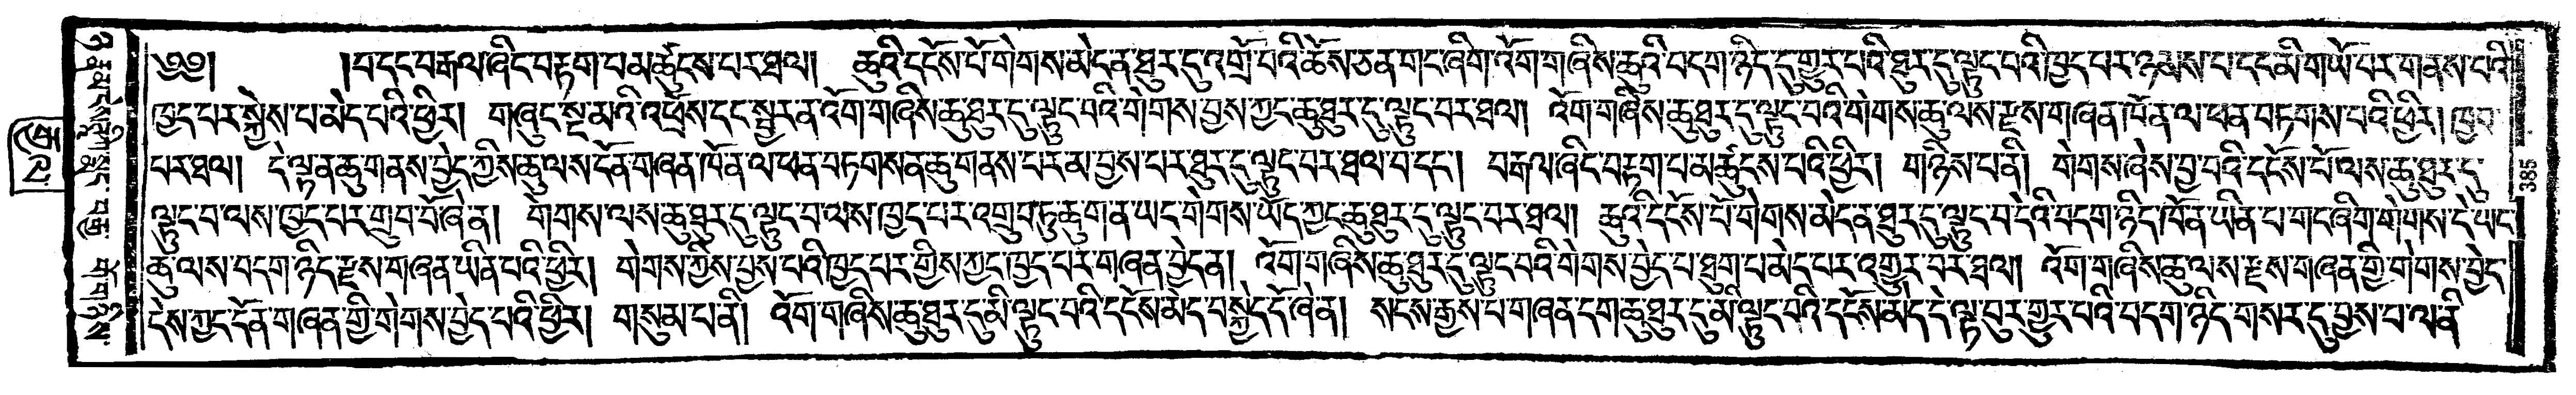༄༅། །བ་དང་བརྒལ་ཞིང་བརྟག་བ་མཚུངས་པར་ཐལ། ཆུའི་དངོས་པོ་གེགས་མེད་ན་ཐུར་དུ་འགྲོ་བའི་ཆོས་ཅན་གང་ཞིག་འོག་གཞིས་ཆུའི་བདག་ཉིད་དུ་གྱུར་པའི་ཐུར་དུ་ལྟུང་བའི་ཁྱད་པར་ཉམས་པ་དང་མི་གཡོ་པར་གནས་པའི་
ཁྱད་པར་སྐྱེས་པ་མེད་པའི་ཕྱིར། གཞུང་སྔ་མའི་འཕྲོས་དང་སྦྱར་ན་འོག་གཞིས་ཆུ་ཐུར་དུ་ལྟུང་བའི་གེགས་བྱས་ཀྱང་ཆུ་ཐུར་དུ་ལྟུང་བར་ཐལ། འོག་གཞིས་ཆུ་ཐུར་དུ་ལྟུང་བའི་གེགས་ཆུ་ལས་རྫས་གཞན་ཁོ་ན་ལ་ཕན་བཏགས་པའི་ཕྱིར། ཁྱབ་
པར་ཐལ། དེ་ལྟ་ན་ཆུ་གནས་བྱེད་ཀྱིས་ཆུ་ལས་དོན་གཞན་ཁོ་ན་ལ་ཕན་བཏགས་ན་ཆུ་གནས་པར་མ་བྱས་པར་ཐུར་དུ་ལྟུང་བར་ཐལ་བ་དང་། བརྒལ་ཞིང་བརྟག་པ་མཚུངས་པའི་ཕྱིར། གཉིས་པ་ནི། གེགས་ཞེས་བྱ་བའི་དངོས་པོ་ལས་ཆུ་ཐུར་དུ་
ལྟུང་བ་ལས་ཁྱད་པར་གྲུབ་བོ་ཞེ་ན། གེགས་ལས་ཆུ་ཐུར་དུ་ལྟུང་བ་ལས་ཁྱད་པར་འགྲུབ་ཏུ་ཆུ་ག་ན་ཡང་གེགས་ཡོད་ཀྱང་ཆུ་ཐུར་དུ་ལྟུང་བར་ཐལ། ཆུའི་དངོས་པོ་གེགས་མེད་ན་ཐུར་དུ་ལྟུང་བ་དེའི་བདག་ཉིད་ཁོ་ན་ཡིན་པ་གང་ཞིག་གེགས་དེ་ཡང་
ཆུ་ལས་བདག་ཉིད་རྫས་གཞན་ཡིན་པའི་ཕྱིར། གེགས་ཀྱིས་བྱས་པའི་ཁྱད་པར་གྱིས་ཀྱང་ཁྱད་པར་གཞན་བྱེད་ན། འོག་གཞིས་ཆུ་ཐུར་དུ་ལྟུང་བའི་གེགས་བྱེད་པ་ཐུག་པ་མེད་པར་འགྱུར་བར་ཐལ། འོག་གཞིས་ཆུ་ལས་རྫས་གཞན་གྱི་གེགས་བྱེད་
དེས་ཀྱང་དོན་གཞན་གྱི་གེགས་བྱེད་པའི་ཕྱིར། གསུམ་པ་ནི། འོག་གཞིས་ཆུ་ཐུར་དུ་མི་ལྟུང་བའི་དངོས་མེད་བསྐྱེད་དོ་ཞེ་ན། སངས་རྒྱས་པ་གཞན་དག་ཆུ་ཐུར་དུ་མི་ལྟུང་བའི་དངོས་མེད་དེ་ལྟ་བུར་གྱུར་པའི་བདག་ཉིད་གསར་དུ་བྱས་པ་ལ་ནི་